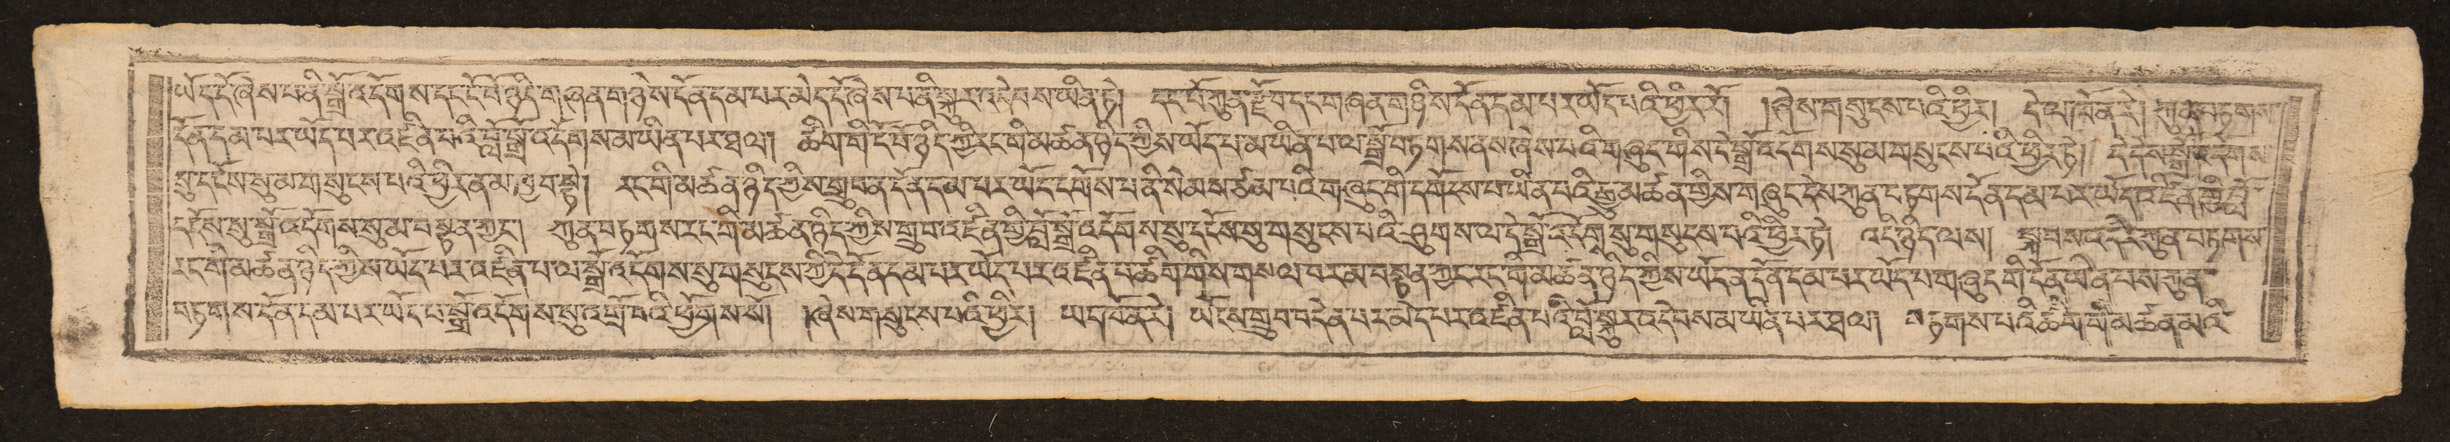ཡོད་དོ་ཞེས་པ་ནི་སྒྲོ་འདོགས་དང་ངོ་བོ་ཉིད་གཞན་གཉིས་དོན་དམ་པར་མེད་དོ་ཞེས་པ་ནི་སྐུར་འདེབས་ཡིན་ཏེ། དང་པོ་ཀུན་རྫོབ་དང་གཞན་གཉིས་དོན་དམ་པར་ཡོད་པའི་ཕྱིར་རོ། །ཞེས་གསུངས་པའི་ཕྱིར། དེ་ལ་ཁོ་ན་རེ། ཀུན་བཏགས་
དོན་དམ་པར་ཡོད་པར་འཛིན་པའི་བློ་སྒྲོ་འདོགས་མ་ཡིན་པར་ཐལ། ཚིག་གི་ངོ་བོ་ཉིད་ཀྱི་རང་གི་མཚན་ཉིད་ཀྱིས་ཡོད་པ་མ་ཡིན་པ་ལ་སྒྲོ་བཏགས་ནས་ཞེས་པའི་གཞུང་གིས་དེ་སྒྲོ་འདོགས་སུམ་གསུངས་པའི་ཕྱིར་ཏེ། དེ་དེས་སྒྲོ་འདོགས་
སུ་དངོས་སུ་མ་གསུངས་པའི་ཕྱིར་ན་མ་ཁྱབ་སྟེ། རང་གི་མཚན་ཉིད་ཀྱིས་གྲུབ་ན་དོན་དམ་པར་ཡོད་དགོས་པ་ནི་སེམས་ཙམ་པའི་གཞུང་གི་དགོངས་པ་ཡིན་པའི་རྒྱུ་མཚན་གྱིས་གཞུང་དེས་ཀུན་བཏགས་དོན་དམ་པར་ཡོད་འཛིན་གྱི་བློ་
དངོས་སུ་སྒྲོ་འདོགས་སུམ་བསྟན་ཀྱང་། ཀུན་བཏགས་རང་གི་མཚན་ཉིད་ཀྱིས་གྲུབ་འཛིན་གྱི་བློ་སྒྲོ་འདོགས་སུ་དངོས་སུ་གསུངས་པའི་ཤུགས་ལ་དེ་སྒྲོ་འདོགས་སུ་གསུངས་པའི་ཕྱིར་ཏེ། འདི་ཉིད་ལས། སྐབས་འདིར་ཀུན་བཏགས་
རང་གི་མཚན་ཉིད་ཀྱིས་ཡོད་པར་འཛིན་པ་ལ་སྒྲོ་འདོགས་སུ་གསུངས་ཀྱི་དེ་དོན་དམ་པར་ཡོད་པར་འཛིན་པ་ཚིག་གིས་གསལ་བར་མ་བསྟན་ཀྱང་རང་གི་མཚན་ཉིད་ཀྱིས་ཡོད་ན་དོན་དམ་པར་ཡོད་པ་གཞུང་གི་དོན་ཡིན་པས་ཀུན་
བཏགས་དོན་དམ་པར་ཡོད་པ་སྒྲོ་འདོགས་སུ་འགྲོ་བའི་ཕྱོགས་སོ། །ཞེས་གསུངས་པའི་ཕྱིར། ཡང་ཁོ་ན་རེ། ཡོངས་གྲུབ་བདེན་པར་མེད་པར་འཛིན་པའི་བློ་སྐུར་འདེབས་མ་ཡིན་པར་ཐལ། བཏགས་པའི་ཚིག་གི་མཚན་མའི་